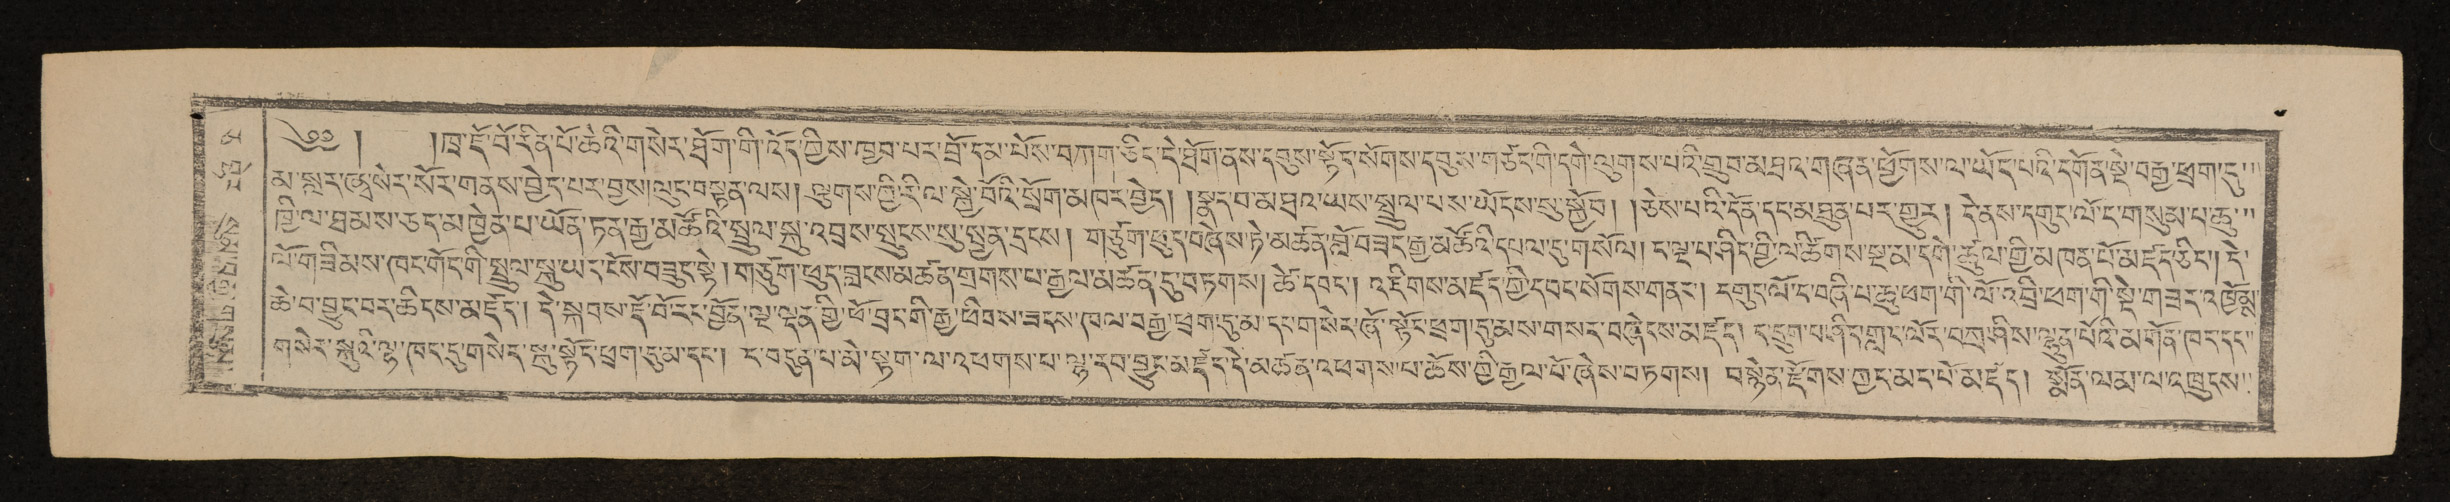༄༅། །ཇོ་བོ་རིན་པོ་ཆེའི་གསེར་ཐོག་གི་འོད་ཀྱིས་ཁྱབ་པར་བྲོ་དམ་པོས་བཀག་ཅིང་དེ་ཐོག་ནས་དབུས་སྟོད་སོགས་དབུས་གཙང་གི་དགེ་ལུགས་པའི་གྲུབ་མཐའ་གཞན་ཕྱོགས་ལ་ཡོད་པའི་དགོན་སྡེ་བརྒྱ་ཕྲག་དུ་
མ་སླར་ཞྭ་སེར་སོར་གནས་བྱེད་པར་བྱས། ལུང་བསྟན་ལས། ལྕགས་ཀྱི་རི་ལ་སྐྱེ་བོའི་སྲོག་མཁར་བྱེད། །སྣང་བ་མཐའ་ཡས་སྤྲུལ་པས་ཡོངས་སུ་སྐྱོབ། །ཅེས་པའི་དོན་དང་མཐུན་པར་གྱུར། དེ་ནས་དགུང་ལོ་ང་གསུམ་པ་ཆུ་ཁྱི་
ལ་ཐམས་ཅད་མཁྱེན་པ་ཡོན་ཏན་རྒྱ་མཚོའི་སྤྲུལ་སྐུ་འབྲས་སྤུངས་སུ་སྤྱན་དྲངས། གཙུག་ཕུད་བཞེས་ཏེ་མཚན་བློ་བཟང་རྒྱ་མཚོའི་དཔལ་དུ་གསོལ། ང་ལྔ་བ་ཤིང་བྱི་ལ་ཚིགས་སྔ་མ་དགེ་ཚུལ་གྱི་མཁན་པོ་མཛད་ཅིང་། དེ་ལོ་
གཟིམས་ཁང་གོང་གི་སྤྲུལ་སྐུ་ཡང་ངོས་བཟུང་སྟེ། གཙུག་ཕུད་བླངས་མཚན་གྲགས་པ་རྒྱལ་མཚན་དུ་བཏགས། ཚེ་དབང་། འཇིགས་མཛད་ཀྱི་དབང་སོགས་གནང་། དགུང་ལོ་ང་བཞི་པ་ཆུ་ཕག་གི་ལོ་འབྲི་ཕག་གི་སྡེ་གཟར་
འཁྱོམས་ཆེ་བ་བྱུང་བར་ཆིངས་མཛད། དེ་སྐབས་ཇོ་བོ་རང་བྱོན་ལྔ་ལྡན་གྱི་ཕོ་བྲང་གི་རྒྱ་ཕིབས་ཟངས་ཁལ་བརྒྱ་ཕྲག་དུ་མ་དང་གསེར་ཞོ་སྟོང་ཕྲག་དུ་མས་གསར་བཞེངས་མཛོད། ང་དྲུག་པ་ཤིང་གླང་ལོར་བཀྲ་ཤིས་ལྷུན་པོའི་
མགོན་ཁང་དང་གསེར་སྐུའི་ལྷ་ཁང་དུ་གསེར་སྐུ་སྟོང་ཕྲག་དུ་མ་དང་། ང་བདུན་པ་མེ་སྟག་ལ་འཕགས་པ་ལྷ་རབ་བྱུང་མཛད་དེ་མཚན་འཕགས་པ་ཆོས་ཀྱི་རྒྱལ་པོ་ཞེས་བཏགས། བསྙེན་རྫོགས་ཀྱང་མང་པོ་མཛད། སྨོན་ལམ་